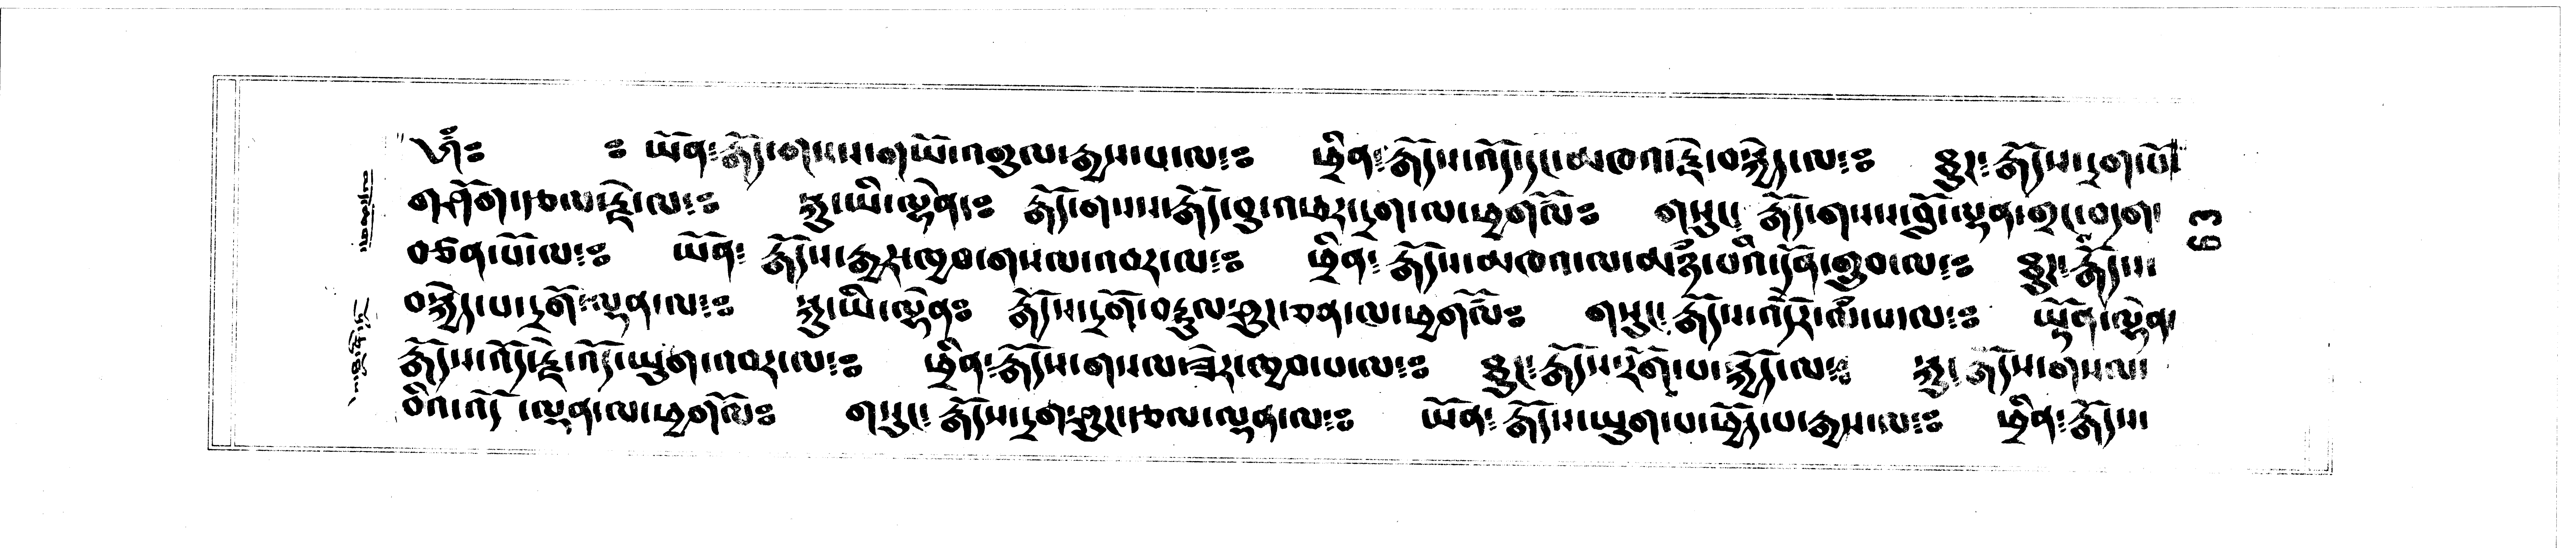ཡོན་ཏན་གྱི་ལྷ་ཆེནཿ རྒོད་གསས་གཡོ་འགུལ་རྒྱས་པ་ལ་ཕྱག་འཚལ་ལོཿ ཕྲིན་ལས་ཀྱི་ལྷ་ཆེནཿ རྒོད་གསས་འོད་དང་མཁའ་རྗེ་བསྐྱེད་ལ་ཕྱག་འཚལ་ལོཿ ཐུགས་ཀྱི་ལྷ་ཆེནཿ རྒོད་གསས་དྲག་པོ་
གཤོག་རྩལ་རྗེ་ལ་ཕྱག་འཚལ་ལོཿ སྐུ་ཡི་ལྷ་ཆེནཿ རྒོད་གསས་རྒོད་བུ་འཕར་དྲག་ལ་ཕྱག་འཚལ་ལོཿ གསུང་གི་ལྷ་ཆེནཿ རྒོད་གསས་བློ་ལྡན་དྲང་བདག་
བཙན་པ་ལ་ཕྱག་འཚལ་ལོཿ ཡོན་ཏན་གྱི་ལྷ་ཆེནཿ རྒོད་གསས་རྒྱར་ཁྱབ་གསལ་འབར་ལ་ཕྱག་འཚལ་ལོཿ ཕྲིན་ལས་ཀྱི་ལྷ་ཆེནཿ རྒོད་གསས་མཁའ་ལ་མཉམ་པའི་དོན་གྲུབ་ལ་ཕྱག་འཚལ་ལོཿ ཐུགས་ཀྱི་ལྷ་ཆེནཿ རྒོད་གསས་
བསྐྱེད་པ་དྲག་པོ་ལྡན་ལ་ཕྱག་འཚལ་ལོཿ སྐུ་ཡི་ལྷ་ཆེནཿ རྒོད་གསས་དྲག་པོ་བརྟུལ་ཞུགས་ཅན་ལ་ཕྱག་འཚལ་ལོཿ གསུང་གི་ལྷ་ཆེནཿ རྒོད་གསས་འོད་ཟེར་ལམ་པ་ལ་ཕྱག་འཚལ་ལོཿ ཡོན་ཏན་གྱི་ལྷ་ཆེནཿ 
རྒོད་གསས་འོད་རྗེ་འོད་ཡུག་འབར་ལ་ཕྱག་འཚལ་ལོཿ ཕྲིན་ལས་ཀྱི་ལྷ་ཆེནཿ རྒོད་གསས་གསལ་ཟེར་ཁྱབ་པ་ལ་ཕྱག་འཚལ་ལོཿ ཐུགས་ཀྱི་ལྷ་ཆེནཿ རྒོད་གསས་རོག་པ་སྐྱོད་ལ་ཕྱག་འཚལ་ལོཿ སྐུ་ཡི་ལྷ་ཆེནཿ རྒོས་གསས་གསལ་
བའི་འོད་ལྡན་ལ་ཕྱག་འཚལ་ལོཿ གསུང་གི་ལྷ་ཆེནཿ རྒོད་གསས་དྲག་ཤུགས་རྩལ་ལྡན་ལ་ཕྱག་འཚལ་ལོཿ ཡོན་ཏན་གྱི་ལྷ་ཆེནཿ རྒོད་གསས་ཡུག་པ་ཕྱོད་པ་རྒྱས་ལ་ཕྱག་འཚལ་ལོཿ ཕྲིན་ལས་ཀྱི་ལྷ་ཆེནཿ རྒོད་གསས་